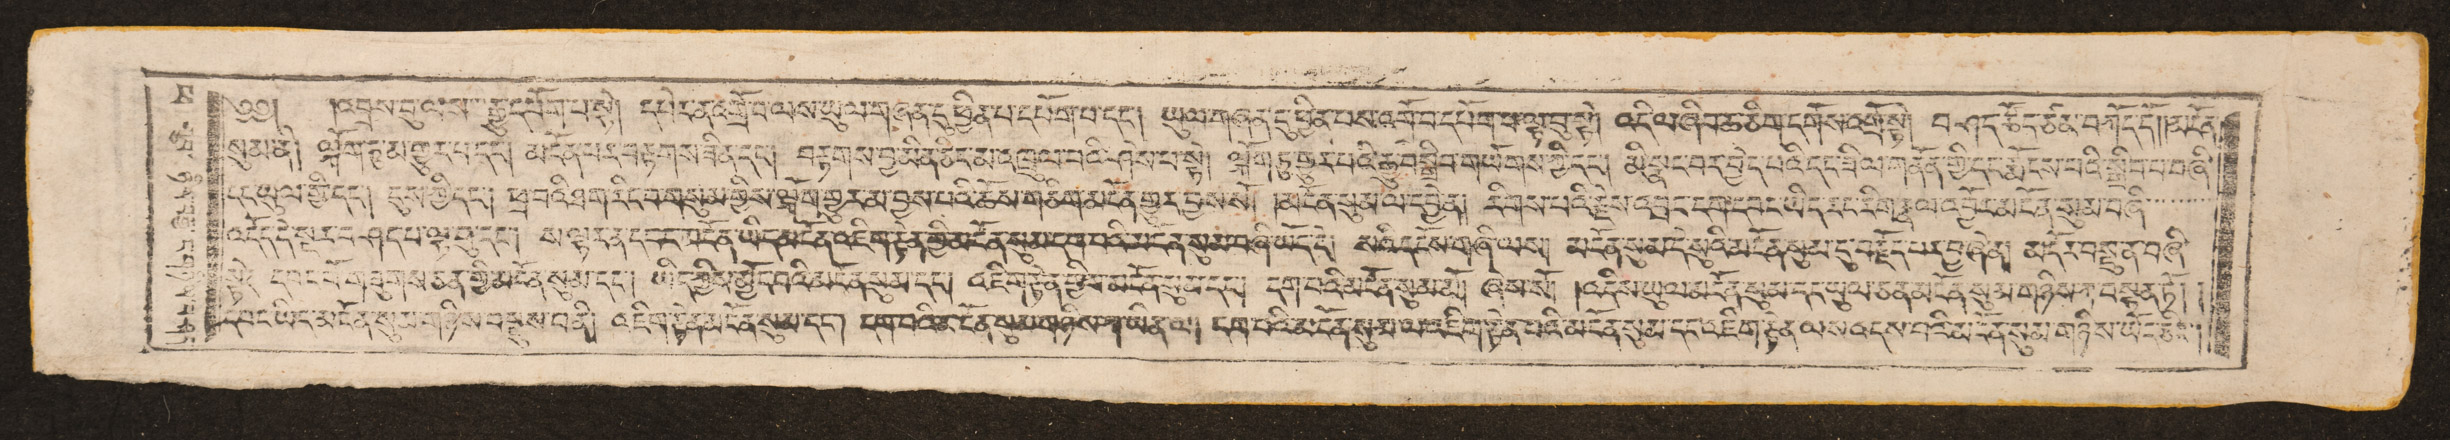༄༅། །འབྲས་བུ་ལས་རྒྱུ་དཔོག་པ་སྟེ། དཔེར་ན་འགྲོ་བ་ལས་ཡུལ་གཞན་དུ་ཕྱིན་པ་དཔོག་པ་དང་། ཡུལ་གཞན་དུ་ཕྱིན་པས་འགོ་བ་དཔོག་པ་ལྟ་བུ་སྟེ། འདི་ལ་ཞིབ་ཆ་ཅིག་དགོས་འགྲོ་སྟེ། བཤད་ཚོད་ཙམ་བཀོད་དོ། །མངོན་
སུམ་ནི། ལྐོག་ཏུ་མ་གྱུར་པ་དང་། མངོན་པར་བརྟགས་ཟིན་དང་། བརྟགས་བྱ་མིན་ཅིང་མ་འཁྲུལ་པའི་ཤེས་པ་སྟེ། ལྐོག་ཏུ་གྱུར་པའི་རྒྱུ་བསྒྲིབ་གཡོགས་ཀྱི་དང་། མི་སྣང་བར་བྱེད་པའི་དང་ཟིལ་གནོན་གྱི་དང་རྨོངས་པའི་སྒྲིབ་པ་བཞི་
དང་ཡུལ་གྱི་དང་། དུས་ཀྱི་དང་། ཕྲ་བའི་ཐག་རིང་བ་གསུམ་གྱིས་སྐོག་གྱུར་མ་བྱས་པའི་ཆོས་གཅིག་མངོན་གྱུར་བྱས་སོ། །མངོན་སུམ་ལ་དབྱེ་ན། རིགས་པའི་རྗེས་འབྲང་ངག་དབང་ཡིད་རང་རིག་རྣལ་འབྱོར་མངོན་སུམ་བཞི་
འདོད་དེ་སྔར་བཤད་པ་ལྟ་བུ་དང་། ས་ལྟར་ན་དང་ང་མངོན་ཡིད་མངོན་འཇིག་རྟེན་གྱི་མངོན་སུམ་དག་པའི་མངོན་སུམ་བཞི་ཡོད་དེ། སའི་དངོས་གཞི་ལས། མངོན་སུམ་དེ་སུའི་མངོན་སུམ་དུ་བརྗོད་པར་བྱ་ཞེ་ན། མདོར་བསྡུ་ན་བཞི་
སྟེ༑ དབང་པོ་གཟུགས་ཅན་གྱི་མངོན་སུམ་དང་། ཡིད་ཀྱིས་མྱོང་བའི་མངོན་སུམ་དང་། འཇིག་རྟེན་གྱིས་མངོན་སུམ་དང་། དག་པའི་མངོན་སུམ་མོ། ཞེས་སོ། །འདིས་ཡུལ་མངོན་སུམ་དང་ཡུལ་ཅན་མངོན་སུམ་གཉིས་ཀ་བསྟན་ཏོ། །
དབང་ཡིད་མངོན་སུམ་གཉིས་བསྡུས་པ་ནི། འཇིག་རྟེན་མངོན་སུམ་དང་། དག་པའི་མངོན་སུམ་གཉིས་ཀ་ཡིན་ལ། དག་པའི་མངོན་སུམ་ལ་འཇིག་རྟེན་པའི་མངོན་སུམ་དང་འཇིག་རྟེན་ལས་འདས་པའི་མངོན་སུམ་གཉིས་ཡོད་ཅིང་།